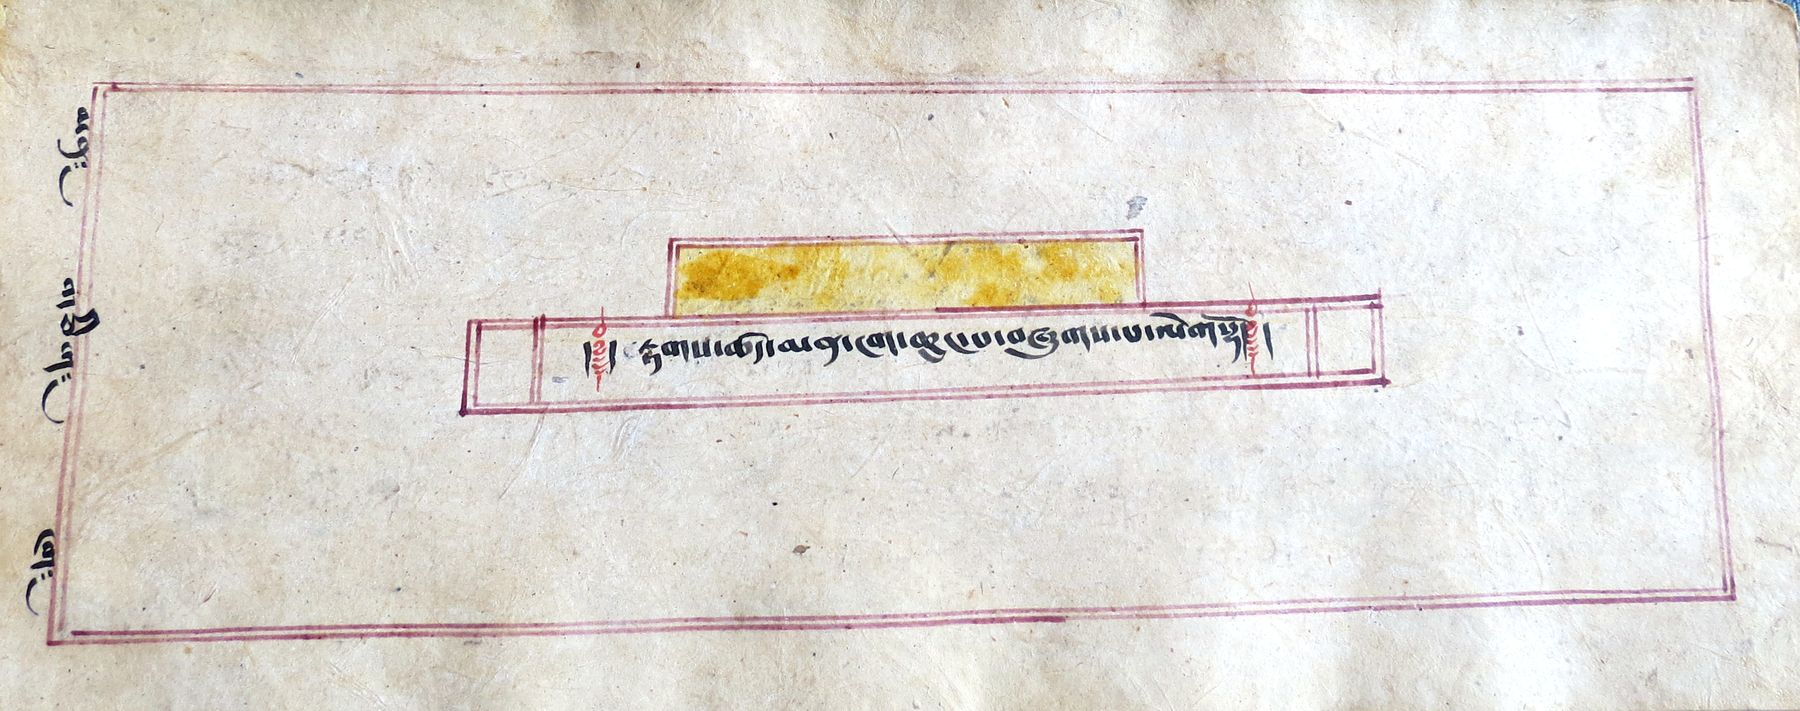རྟགས་ཚད་མན་ངག་ཆུང་བ་བཞུགས་པ་ལེགས་སོ། །